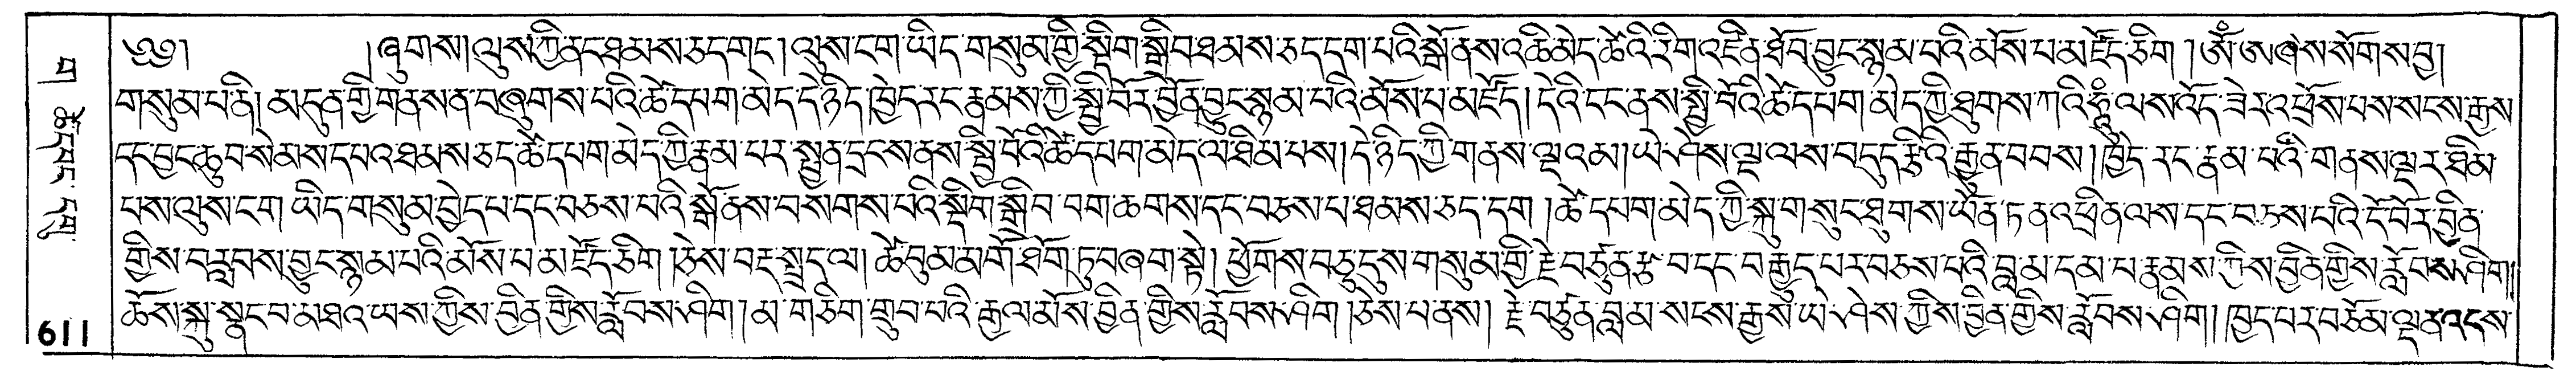༄༅། །ཞུགས། ལུས་ཀྱི་ནང་ཐམས་ཅད་གང་། ལུས་ངག་ཡིད་གསུམ་གྱི་སྡིག་སྒྲིབ་ཐམས་ཅད་དག་པའི་སྒོ་ནས་འཆི་མེད་ཚེའི་རིག་འཛིན་ཐོབ་བྱུང་སྙམ་པའི་མོས་པ་མཛོད་ཅིག །ཨོཾ་ཨ་ཞེས་སོགས་བྱ།
གསུམ་པ་ནི། མདུན་གྱི་གནས་ན་བཞུགས་པའི་ཚེ་དཔག་མེད་དེ་ཉིད་ཁྱེད་རང་རྣམས་ཀྱི་སྤྱི་བོར་བྱོན་བྱུང་སྙམ་པའི་མོས་པ་མཛོད། དེའི་ངང་ནས་སྤྱི་བོའི་ཚེ་དཔག་མེད་ཀྱི་ཐུགས་ཀའི་ཧཱུཾ་ལས་འོད་ཟེར་འཕྲོས་པས་སངས་རྒྱས་
དང་བྱང་ཆུབ་སེམས་དཔའ་ཐམས་ཅད་ཚེ་དཔག་མེད་ཀྱི་རྣམ་པར་སྤྱན་དྲངས་ནས་སྤྱི་བོའི་ཚེ་དཔག་མེད་ལ་ཐིམ་པས། དེ་ཉིད་ཀྱི་གནས་ལྔའམ། ཡེ་ཤེས་ལྔ་ལས་བདུད་རྩིའི་རྒྱུན་བབས། ཁྱེད་རང་རྣམ་པའི་གནས་ལྔར་ཐིམ་
པས་ལུས་ངག་ཡིད་གསུམ་བྱེད་པ་དང་བཅས་པའི་སྒོ་ནས་བསགས་པའི་སྡིག་སྒྲིབ་བག་ཆགས་དང་བཅས་པ་ཐམས་ཅད་དག །ཚེ་དཔག་མེད་ཀྱི་སྐུ་གསུང་ཐུགས་ཡོན་ཏན་འཕྲིན་ལས་དང་བཅས་པའི་ངོ་བོར་བྱིན་
གྱིས་བརླབས་བྱུང་སྙམ་པའི་མོས་པ་མཛོད་ཅིག །ཅེས་བརྡ་སྤྲད་ལ། ཚེ་བུམ་མགོ་ཐོག་ཏུ་བཞག་སྟེ། ཕྱོགས་བཅུ་དུས་གསུམ་གྱི་རྗེ་བཙུན་རྩ་བ་དང་བརྒྱུད་པར་བཅས་པའི་བླ་མ་དམ་པ་རྣམས་ཀྱིས་བྱིན་གྱིས་རློབས་ཤིག །
ཆོས་སྐུ་སྣང་བ་མཐའ་ཡས་ཀྱིས་བྱིན་གྱིས་རློབས་ཤིག །མ་གཅིག་གྲུབ་པའི་རྒྱལ་མོས་བྱིན་གྱིས་རློབས་ཤིག །ཅེས་པ་ནས། རྗེ་བཙུན་བླ་མ་སངས་རྒྱས་ཡེ་ཤེས་ཀྱིས་བྱིན་གྱིས་རློབས་ཤིག །ཁྱད་པར་བཅོམ་ལྡན་འདས་